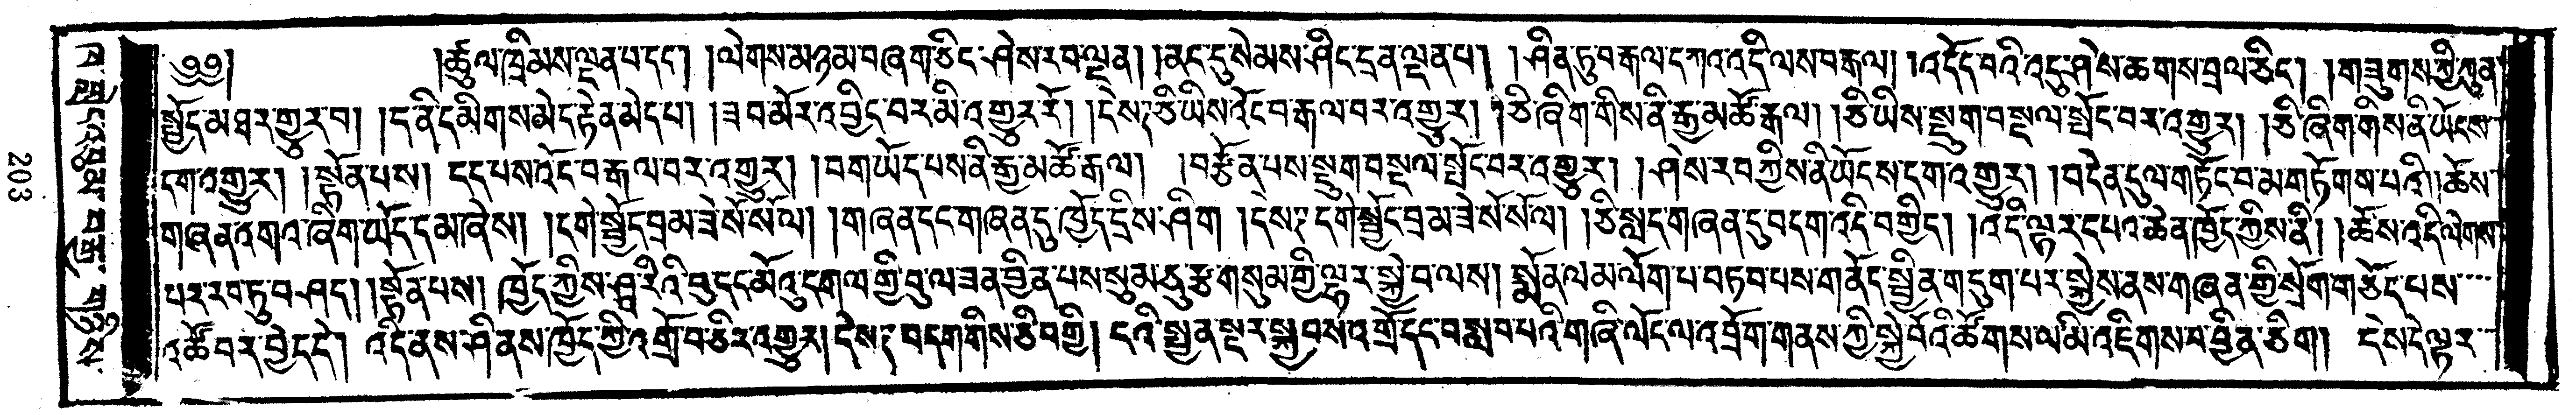༄༅། །ཚུལ་ཁྲིམས་ལྡན་པ་དང་། །ལེགས་མཉམ་བཞག་ཅིང་ཤེས་རབ་ལྡན། །ནང་དུ་སེམས་ཤིང་དྲན་ལྡན་པ། །ཤིན་ཏུ་བརྒལ་དཀའ་འདི་ལས་བརྒལ། །འདོད་པའི་འདུ་ཤེས་ཆགས་བྲལ་ཅིང་། །གཟུགས་ཀྱི་ཀུན་
སྤྱོད་མཐར་གྱུར་བ། །ད་ནི་དམིགས་མེད་རྟེན་མེད་པ། །ཟབ་མོར་འབྱིང་བར་མི་འགྱུར་རོ། །དེས༑ ཅི་ཡིས་འོང་བ་རྒལ་བར་འགྱུར། །ཅི་ཞིག་གིས་ནི་རྒྱ་མཚོ་རྒལ། །ཅི་ཡིས་སྡུག་བསྔལ་སྤོང་བར་འགྱུར། །ཅི་ཞིག་གིས་ནི་ཡོངས་
དག་འགྱུར། །སྟོན་པས། དད་པས་འོང་བརྒལ་བར་འགྱུར། །བག་ཡོད་པས་ནི་རྒྱ་མཚོ་རྒལ། །བརྩོན་པས་སྡུག་བསྔལ་སྤོང་བར་འགྱུར། །ཤེས་རབ་ཀྱིས་ནི་ཡོངས་དག་འགྱུར། །བདེན་དུལ་གཏོང་བ་མ་གཏོགས་པའི། །ཆོས་
གཞན་འགའ་ཞིག་ཡོད་དམ་ཞེས། །དགེ་སྦྱོད་བྲམ་ཟེ་སོ་སོ་ལ། །གཞན་དང་གཞན་དུ་ཁྱོད་དྲིས་ཤིག །དེས༑ དགེ་སྦྱོང་བྲམ་ཟེ་སོ་སོ་ལ། །ཅི་སླད་གཞན་དུ་བདག་འདི་བགྱིད། །འདི་ལྟར་དཔའ་ཆེན་ཁྱོད་ཀྱིས་ནི། །ཆོས་འདི་ལེགས་
པར་རབ་ཏུ་བཤད། །སྟོན་པས། ཁྱོད་ཀྱིས་ཤཱ་རིའི་བུ་དང་མོའུ་དག་ལ་གྱི་བུ་ལ་ཟན་བྱིན་པས་སུམ་ཅུ་རྩ་གསུམ་གྱི་ལྷར་སྐྱེ་བ་ལས། སྨོན་ལམ་ལོག་པ་བཏབ་པས་གནོད་སྦྱིན་གདུག་པར་སྐྱེས་ནས་གཞན་གྱི་སྲོག་གཅོད་པས་
འཚོ་བར་བྱེད་དེ། འདི་ནས་ཤི་ནས་ཁྱོད་ཀྱི་འགྲོ་བ་ཅིར་འགྱུར། དེས༑ བདག་གིས་ཅི་བགྱི། ངའི་སྤྱན་སྔར་སྐྱབས་འགྲོ་དང་བསླབ་པའི་གཞི་ལོང་ལ་འབྲོག་གནས་ཀྱི་སྐྱེ་བོའི་ཚོགས་ལ་མི་འཇིགས་པ་བྱིན་ཅིག །དེས་དེ་ལྟར་